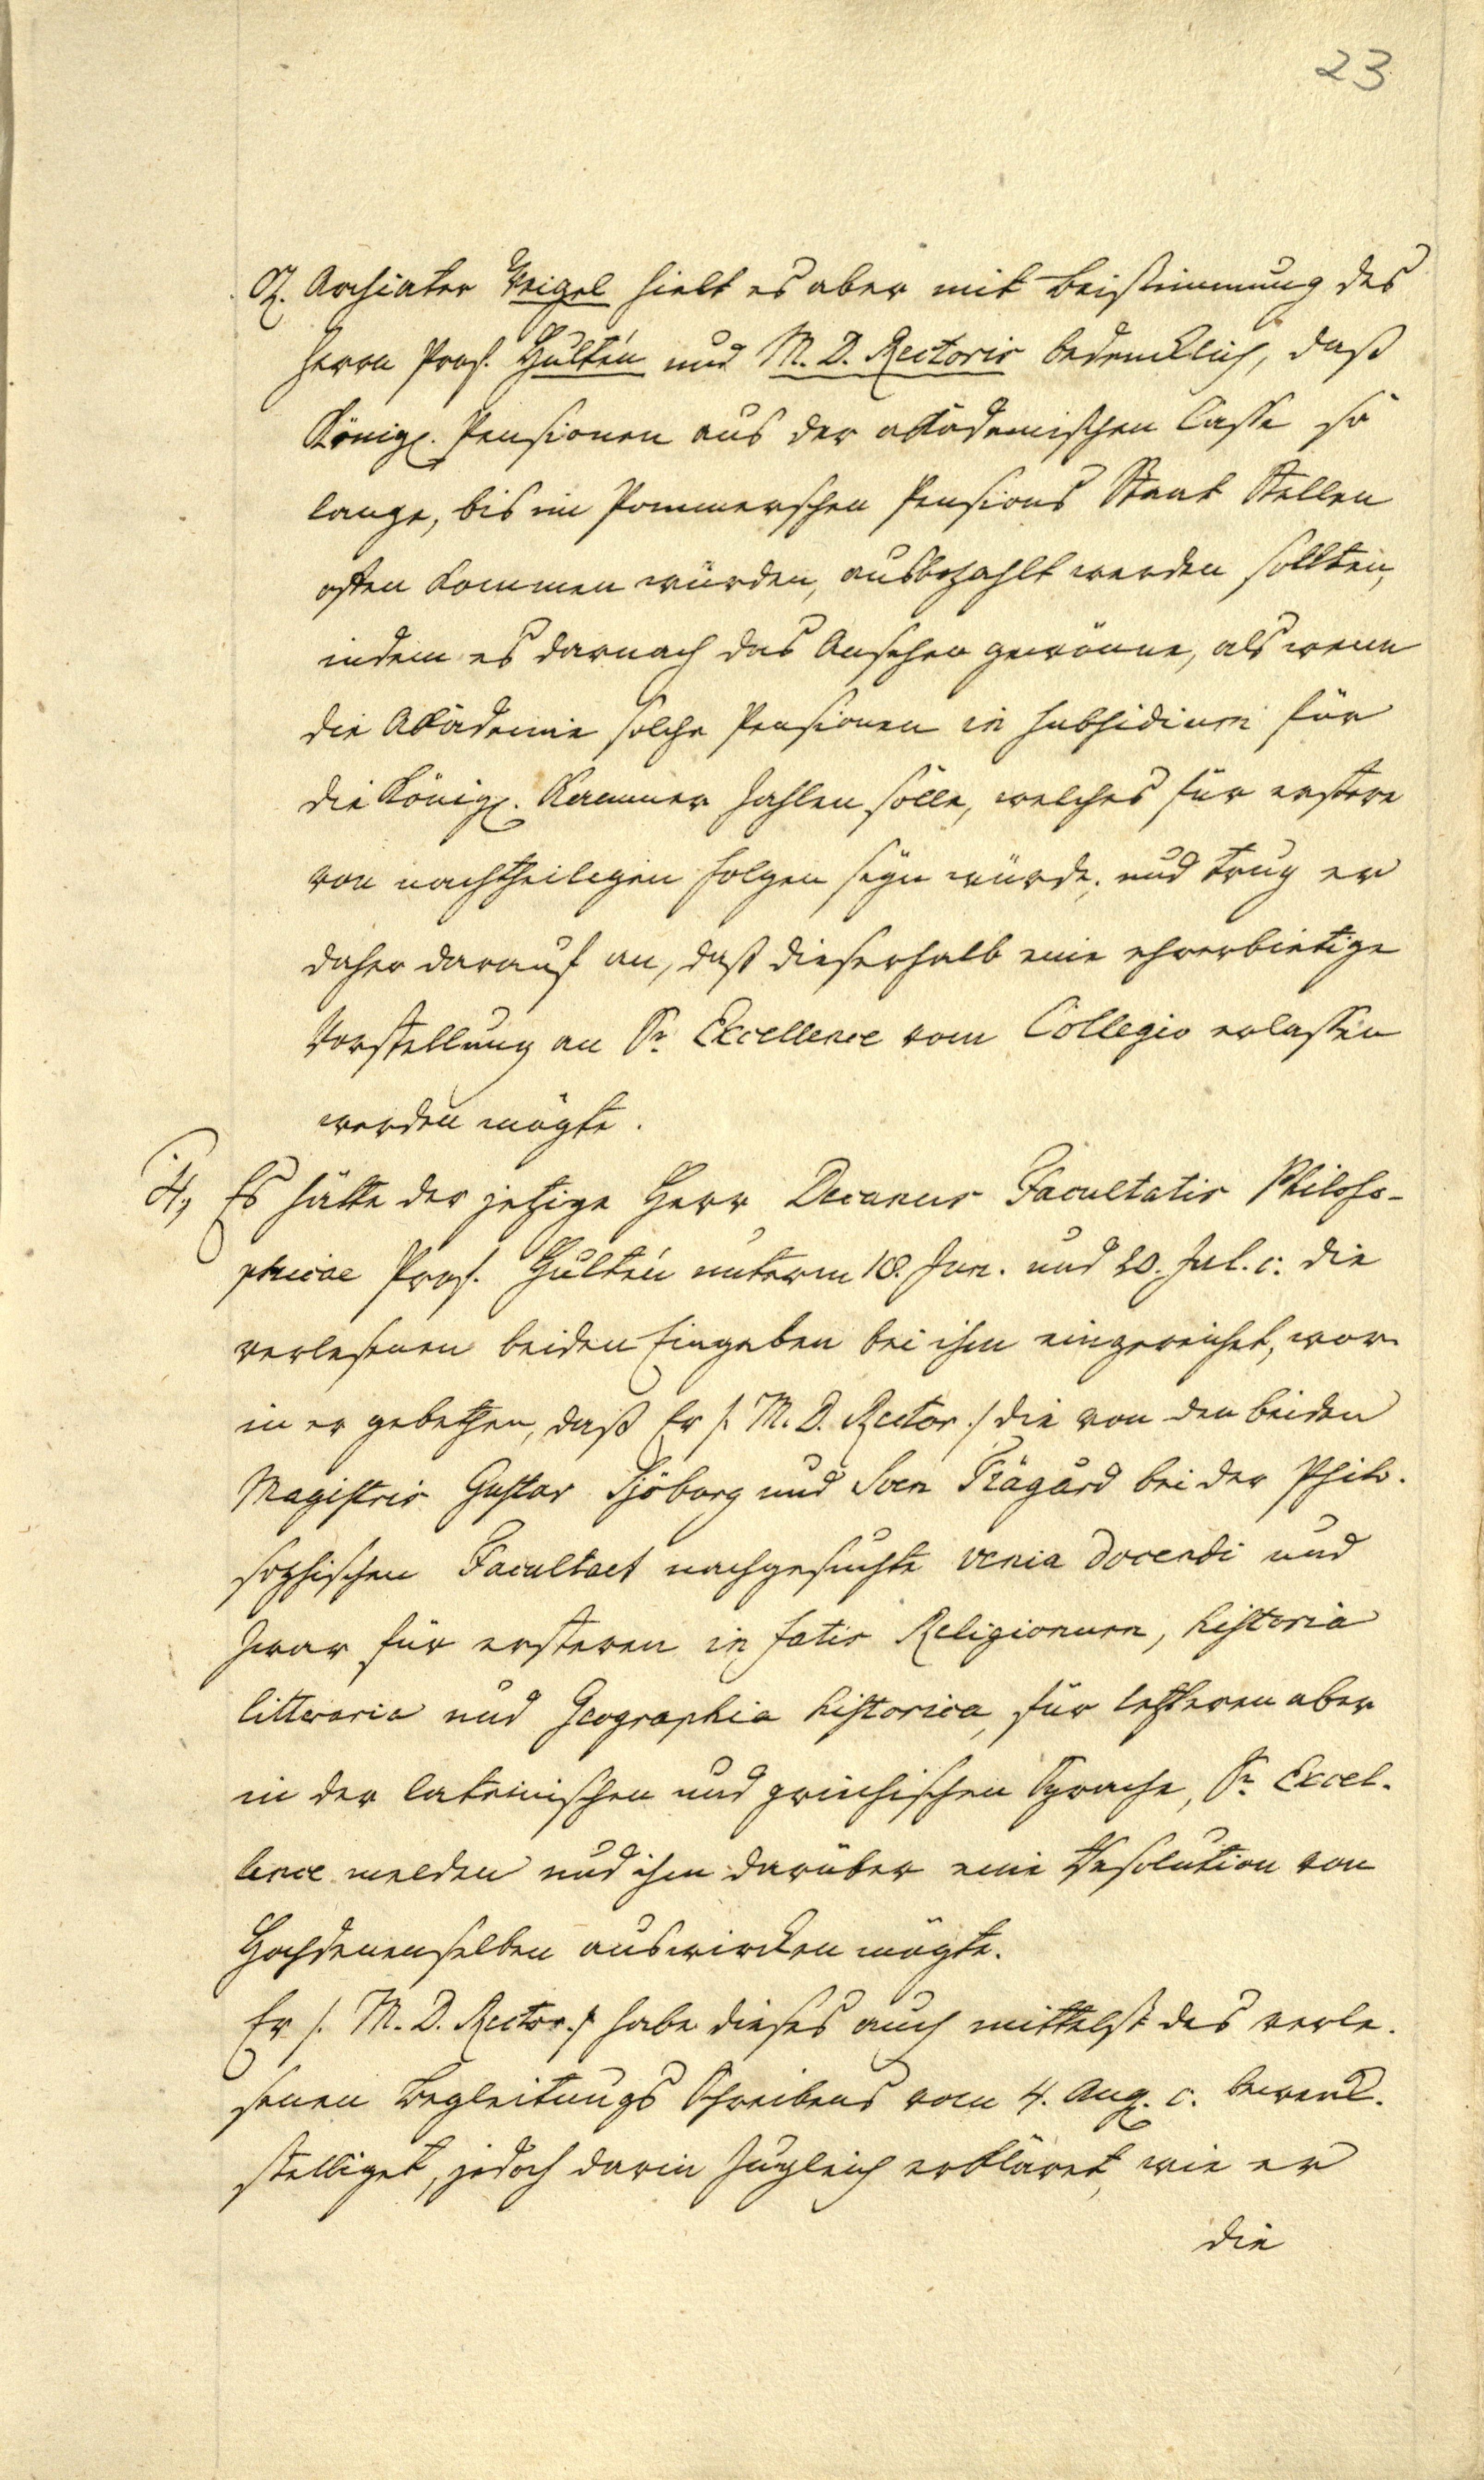dh. Archiater Weigel hielt es aber mit Beistimmung des
herrn Prof. Hultèn und M. D. Rectoris bedencklich, daß
Königl. Pensionen aus der akademischen Casse so
lange, bis im Pommerschen Pensions Staat Stellen
ofen kommen würden, ausbezahlt werden sollten,
indem es darnach das Ansehen gewönne, als wenn
die Akademie solche Pensionen in subsidium für
die Königl. Kammer zahlen solle, welches für erstere
von nachtheiligen Folgen seÿn würde; und trug er
daher darauf an, daß dieserhalb eine ehrerbietige
Vorstellung an Sr. Excellence vom Collegio erlassen
werden mögte.
4., Es hätte der jetzige Herr Decanus Facultatis Philoso¬
phicae Prof. Hultèn unterm 18. Jun. und 20. Jul. c. die
verlesenen beiden Eingaben bei ihm eingereichet, wor¬
in er gebethen, daß Er / M. D. Rector / die von den beiden
Magistris Gustav Sjöborg und Sven Trägård bei der Philo¬
sophischen Facultät nachgesuchte venia docendi und
zwar für ersteren in fatis Religionum, historia
litteraria und Geographia historica, für letzteren aber
in der lateinischen und griechischen Sprache, Sr. Excel¬
lence melden und ihm darüber eine Resolution von
Hochdemselben auswircken mögte.
Er / M. D. Rector / habe dieses auch mittelst des verle¬
senen Begleitungs Schreibens vom 4. Aug. c. bewerk¬
stelliget, jedoch darin zugleich erkläret, wie er
die